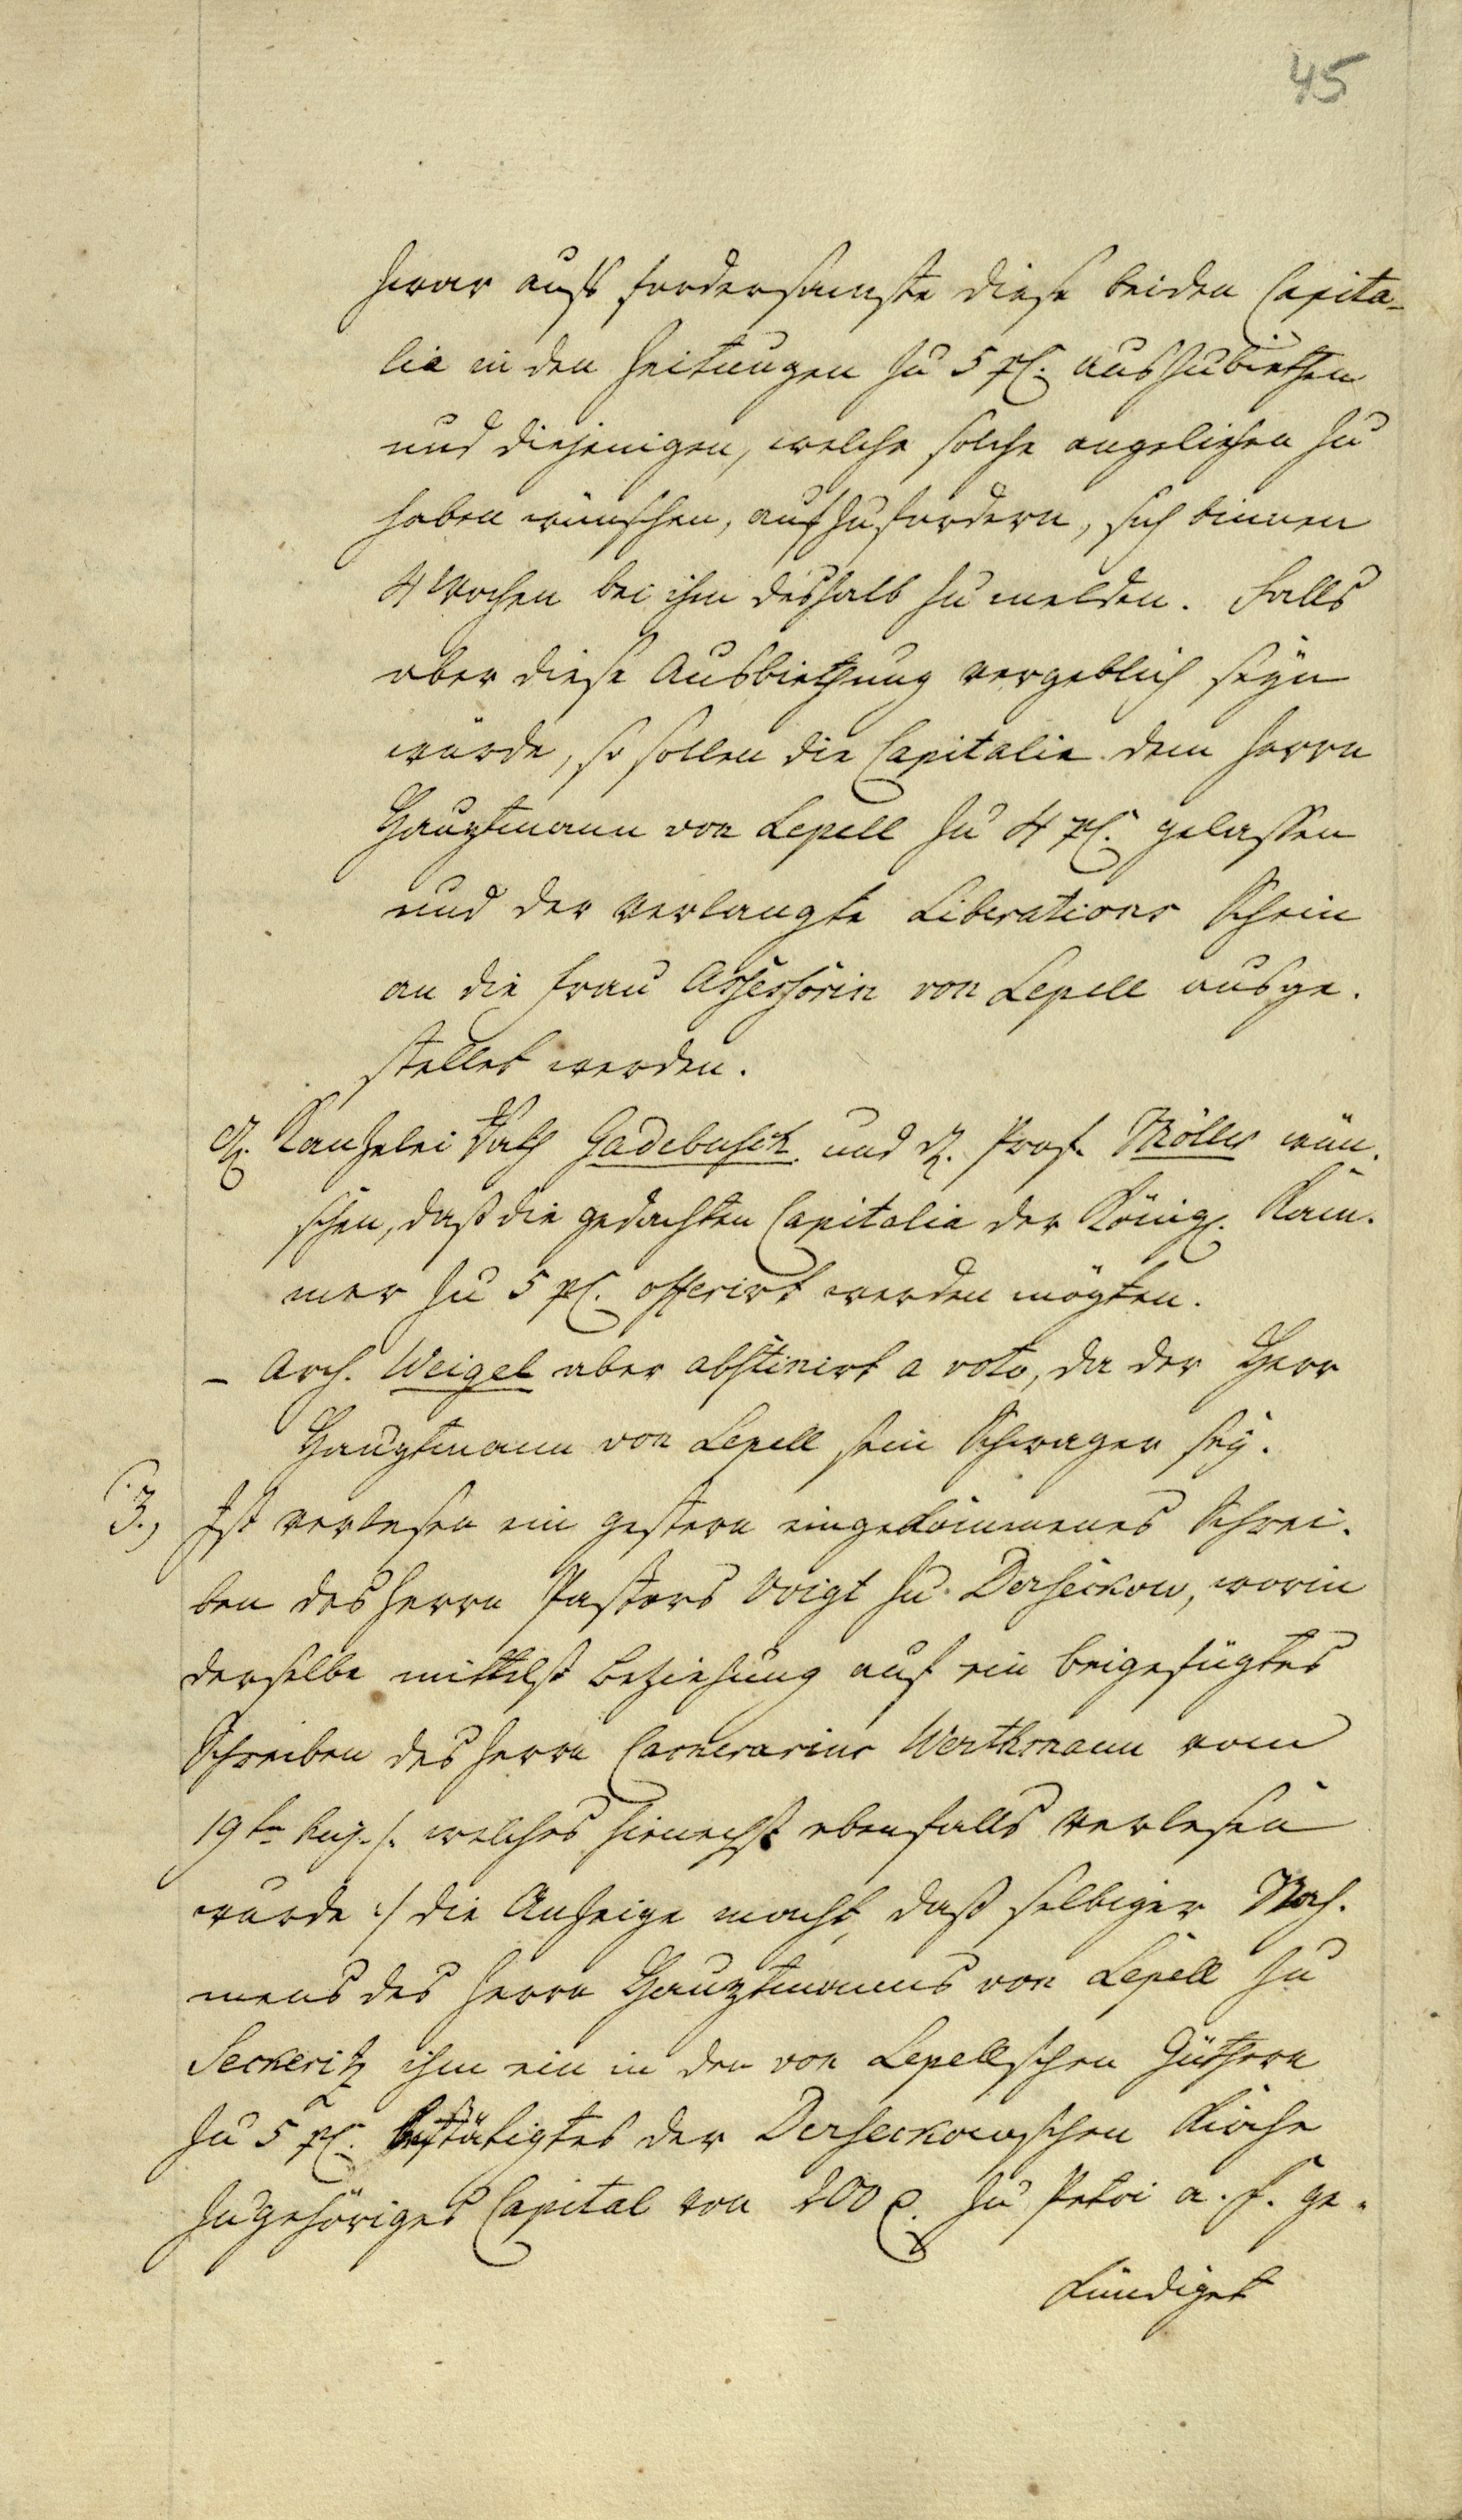zwar aufs fordersamste diese beiden Capita¬
lia in den Zeitungen zu 5 pl. auszubiethen
und diejenigen, welche solche angeliehen zu
haben wünschen, aufzufordern, sich binnen
4 Wochen bei ihm deshalb zu melden. Falls
aber diese Ausbiethung vergeblich seÿn
würde, so sollen die Capitalia dem Herrn
Hauptmann von Lepell zu 4 pl. gelassen
und der verlangte Liberations Schein
an die Frau Assessorin von Lepell ausge¬
stellet werden.
dh. Kanzelei Rath Gadebusch und dh. Prof. Möller wün
schen, daß die gedachten Capitalia der Königl. Kam¬
mer zu 5 pl. offerirt werden mögten.
Arch. Weigel aber abstinirt a voto, da der Herr
Hauptmann von Lepell sein Schwager seÿ.
3., Ist verlesen ein gestern eingekommenes Schrei¬
ben des Herrn Pastors Voigt zu Derseckow, worin
derselbe mittelst Beziehung auf ein beigefügtes
Schreiben des Herrn Camerarius Werthmann vom
19 t. huj. /. welches hienechst ebenfalls verlesen
wurde :/ die Anzeige macht, daß selbiger Nah¬
mens des Herrn Hauptmanns von Lepell zu
Seckeritz ihm ein in den von Lepellschen Güthern
zu 5 pl. bestätigtes der Derseckowschen Kirche
zugehöriges Capital von 200 l. zu Petri a . F. ge¬
kündiget